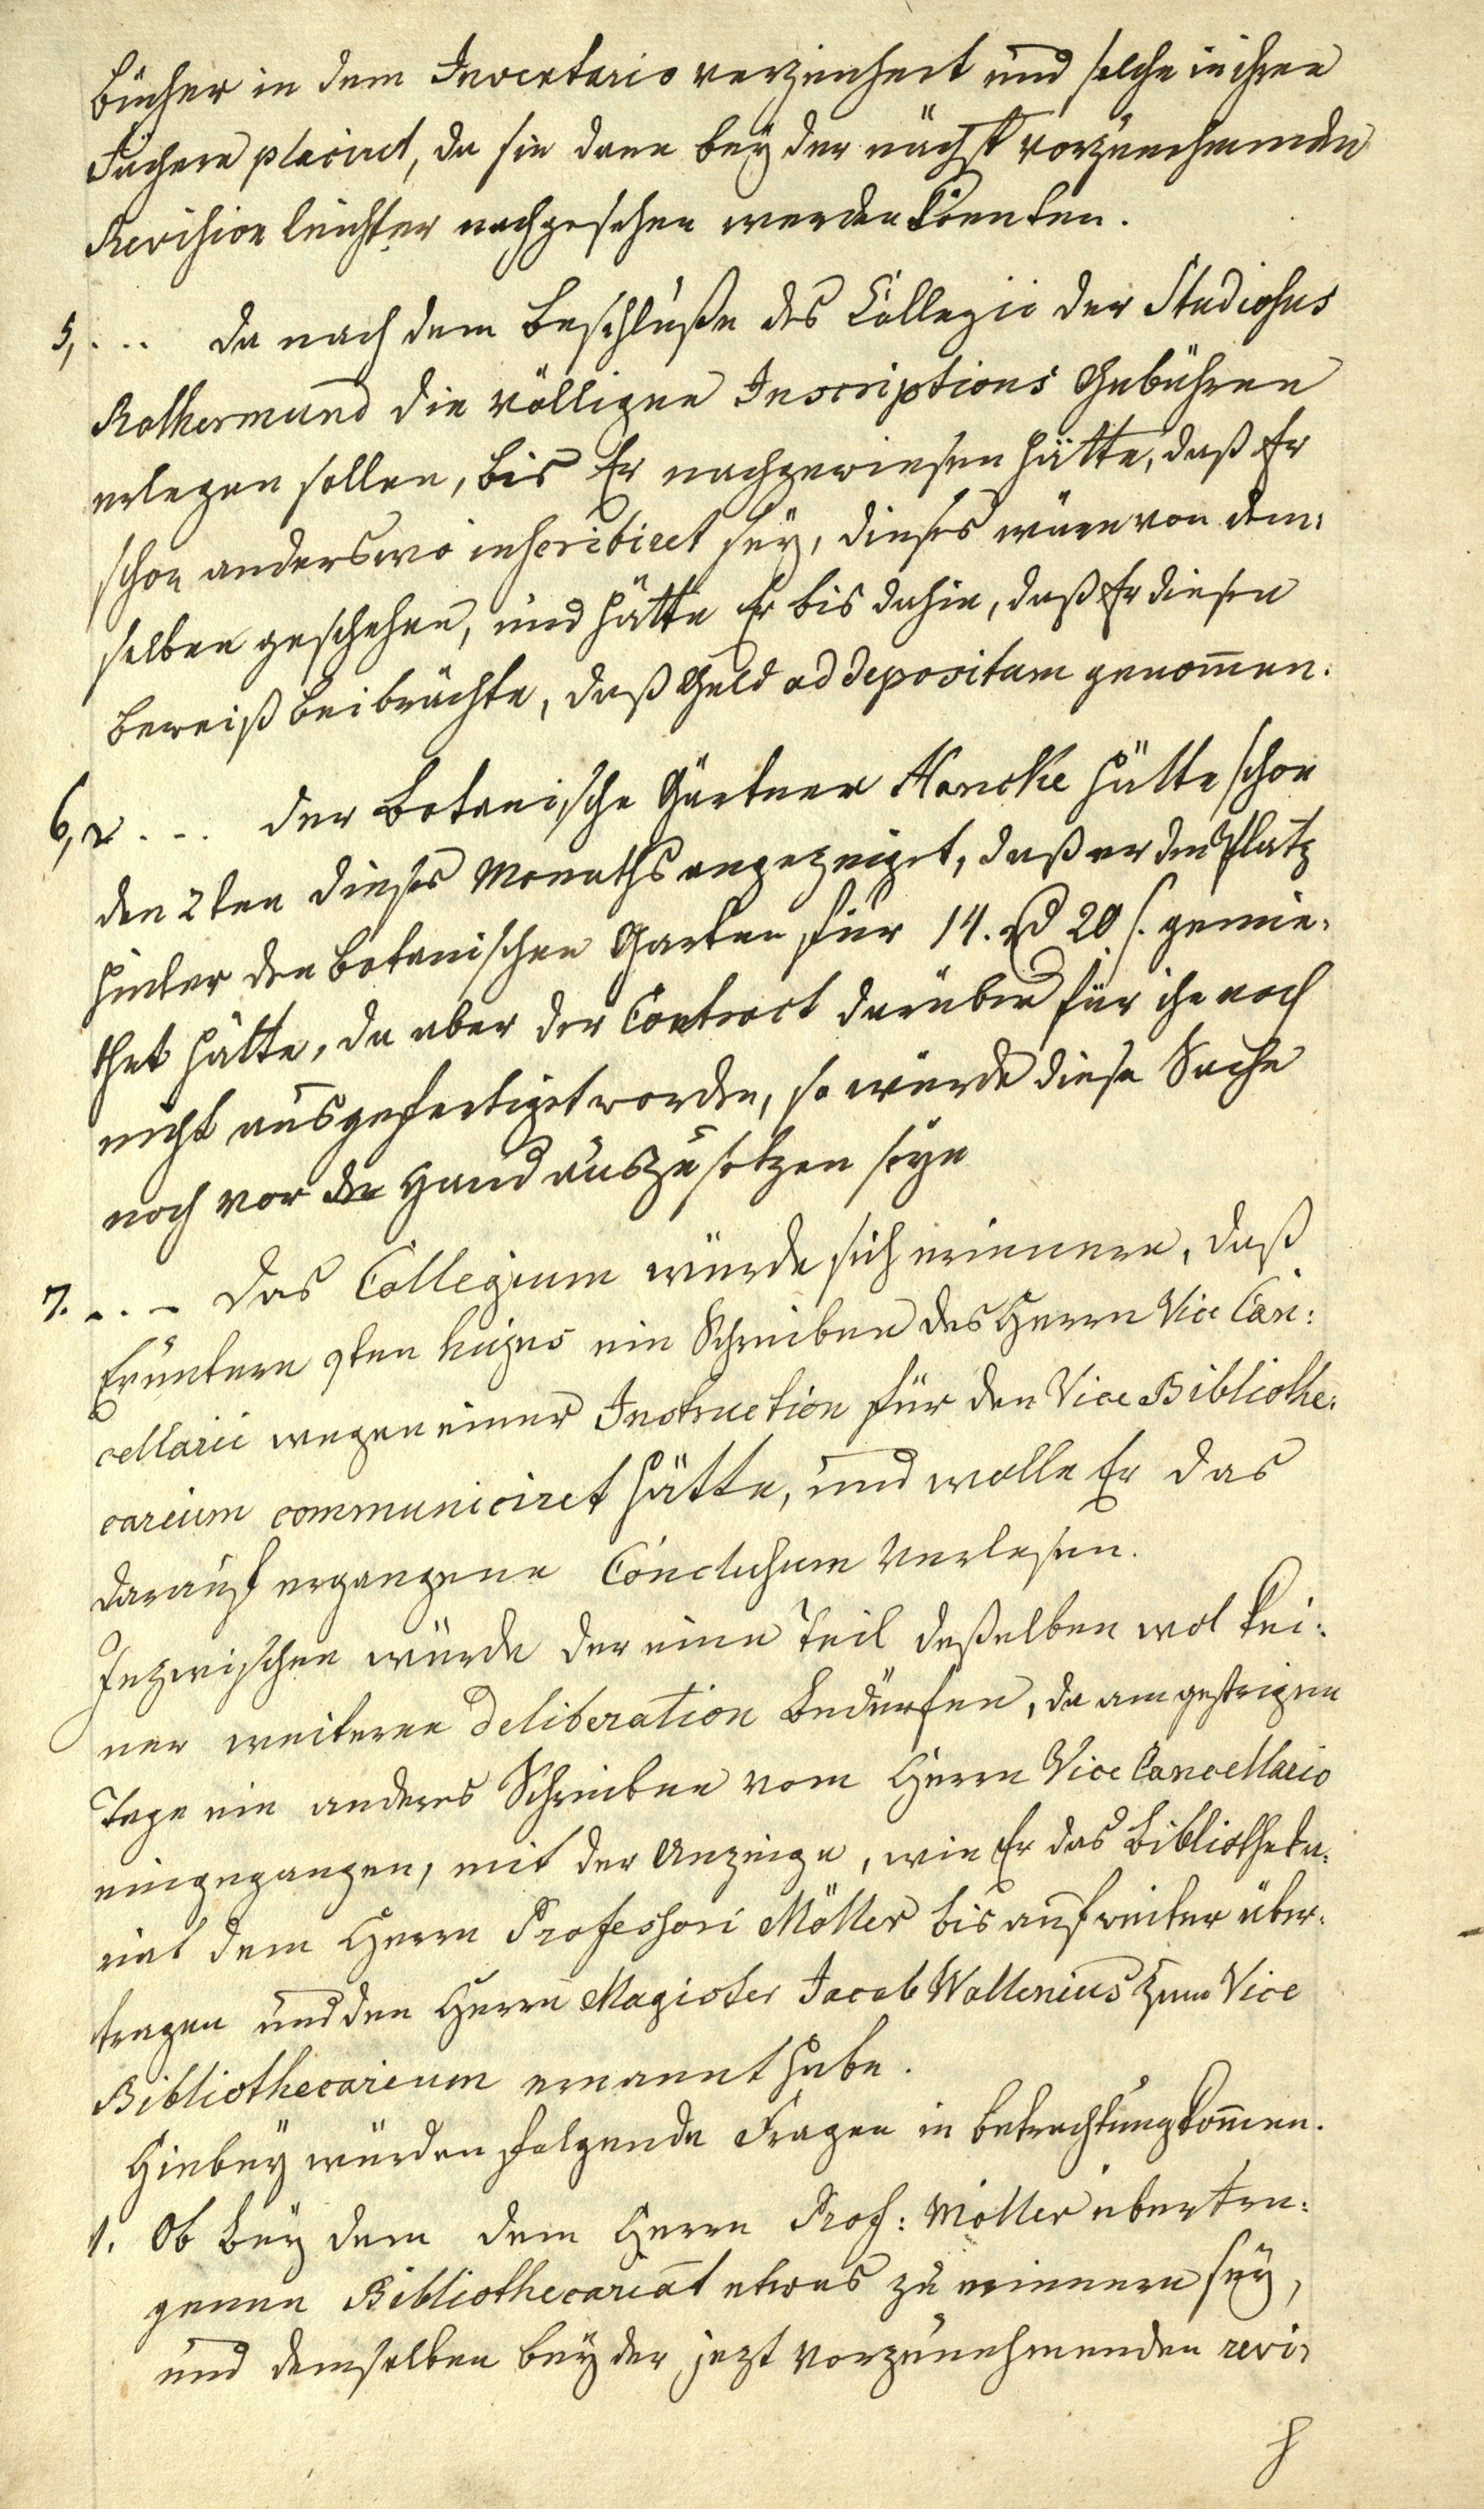Bücher in dem Inventario verzeichnet und solche in ihren
Fächern placiret, da sie dann beÿ der nicht vorzunehmenden
Revision leichter nachgesehen werden könnten.
5. da nach dem Beschluße des Collegii der Studiosus
Rothermund die völligen Inscriptions Gebühren
erlegen sollen, bis Er nachgewiesen hätte, daß Er
schon anderswo inscribiret seÿ, dieses wäre von dem¬
selben geschehen, und hätte Er bis dahin, daß Er diesen
Beweis beibrächte, daß Geld ad depositum genomen.
6. der Botanische Gärtner Hancke hätte schon
den 2 ten dieses Monaths angezeiget, daß er den Platz
hinter den Botanischen Garten er 14. rt. 20. s gemie¬
thet hätte, da aber der Contract darüber für ihn noch
nicht ausgefertiget worden, so würde diese Sache
noch vor der Hand auszusetzen seÿn.
7. Das Collegium würde sich erinnern, daß
Er unterm 9 ten hujus ein Schreiben des Herrn Vice Can¬
cellarii wegen einer Instruction für den Vice Bibliothe¬
carium communiciret hätten, und wolle Er das
darauf ergangene Conclusum verlesen.
Inzwischen würde der eine Teil deßelben wol kei¬
ner weiteren deliberation bedürfen, da am gestrigen
Tage ein anderes Schreiben vom Herrn Vice Cancellario
eingegangen, mit der Anzeige, wie Er das Bibliotheka
riat dem Herrn Professori Möller bis auf weiter über¬
tragen und den Herrn Magister Jacob Wallenius zum Vice
Bibliothecarium ernannt habe.
Hiebeÿ würden folgende Fragen in Betrachtung komen
1. Ob beÿ dem dem Herrn Prof. Möller übertra¬
genen Bibliothecariat etwas zu erinnern seÿ,
und demselben beÿ der jezt vorzunehmenden revi¬